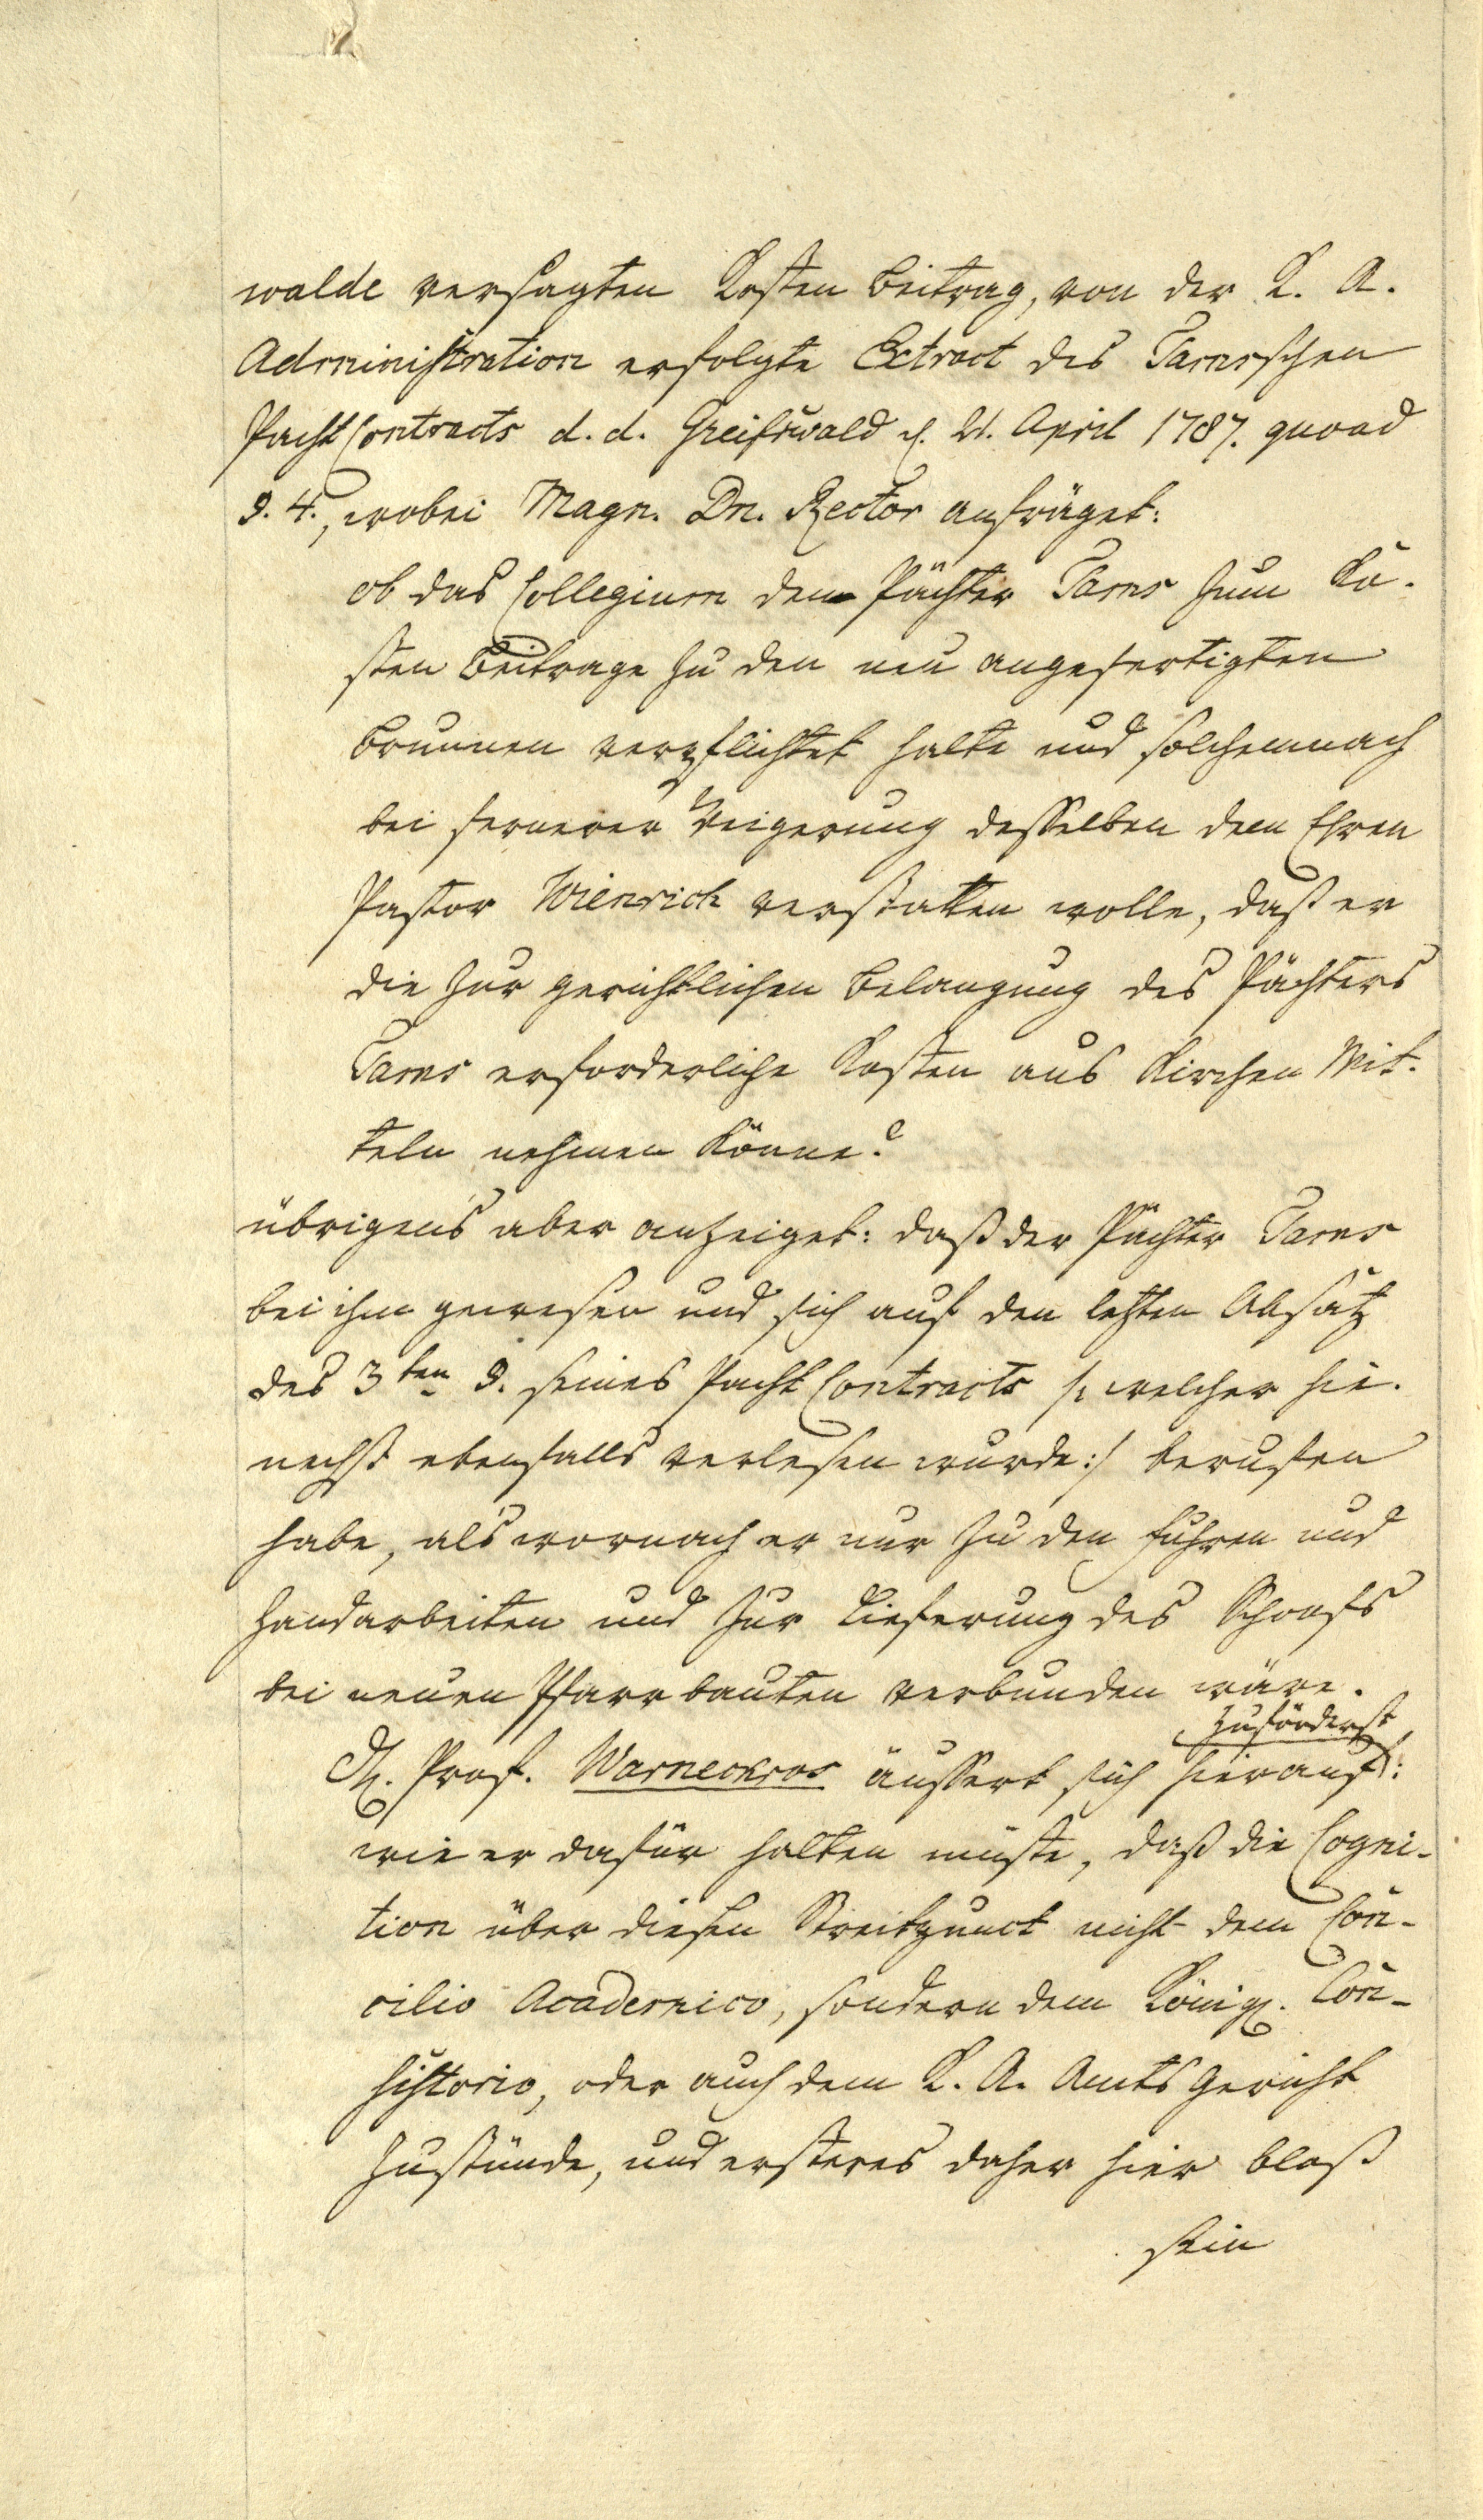walde versagten Kosten Beitrag, von der K. A.
Administration erfolgte Extract des Tamsschen
Pacht Contracts d. d. Greifswald d. 21. April 1787. quoad
§. 4., wobei Magn. Dn. Rector anfräget:
ob das Collegium dem Pächter Tams zum Ko¬
sten Beitrage zu den neu angefertigten
Brunnen verpflichtet halte und solchemnach
bei fernerer Weigerung desselben dem Ehren
Pastor Wienrich verstatten wolle, daß er
die zur gerichtlichen Belangung des Pächters
Tams erforderliche Kosten aus Kirchen Mit¬
teln nehmen könne?
übrigens aber anzeiget: daß der Pächter Tams
bei ihm gewesen und sich auf den letzten Absatz
des 3 ten §. seines Pacht Contracts /: welcher hie¬
nechst ebenfalls verlesen wurde:/ berufen
habe, als wornach er nur zu den Fuhren und
Handarbeiten und zur Lieferung des Schoofs
bei neuen Pfarr bauten verbunden wäre.
dh. Prof. Warneckros äussert sich hierauf zuförderst:
wie er dafür halten müßte, daß die Cogni¬
tion über diesen Streitpunct nicht dem Con¬
cilio Academico, sondern dem Königl. Con¬
sistorio, oder auch dem K. A. Amts Gericht
zustünde, und ersteres daher hier bloß
sein